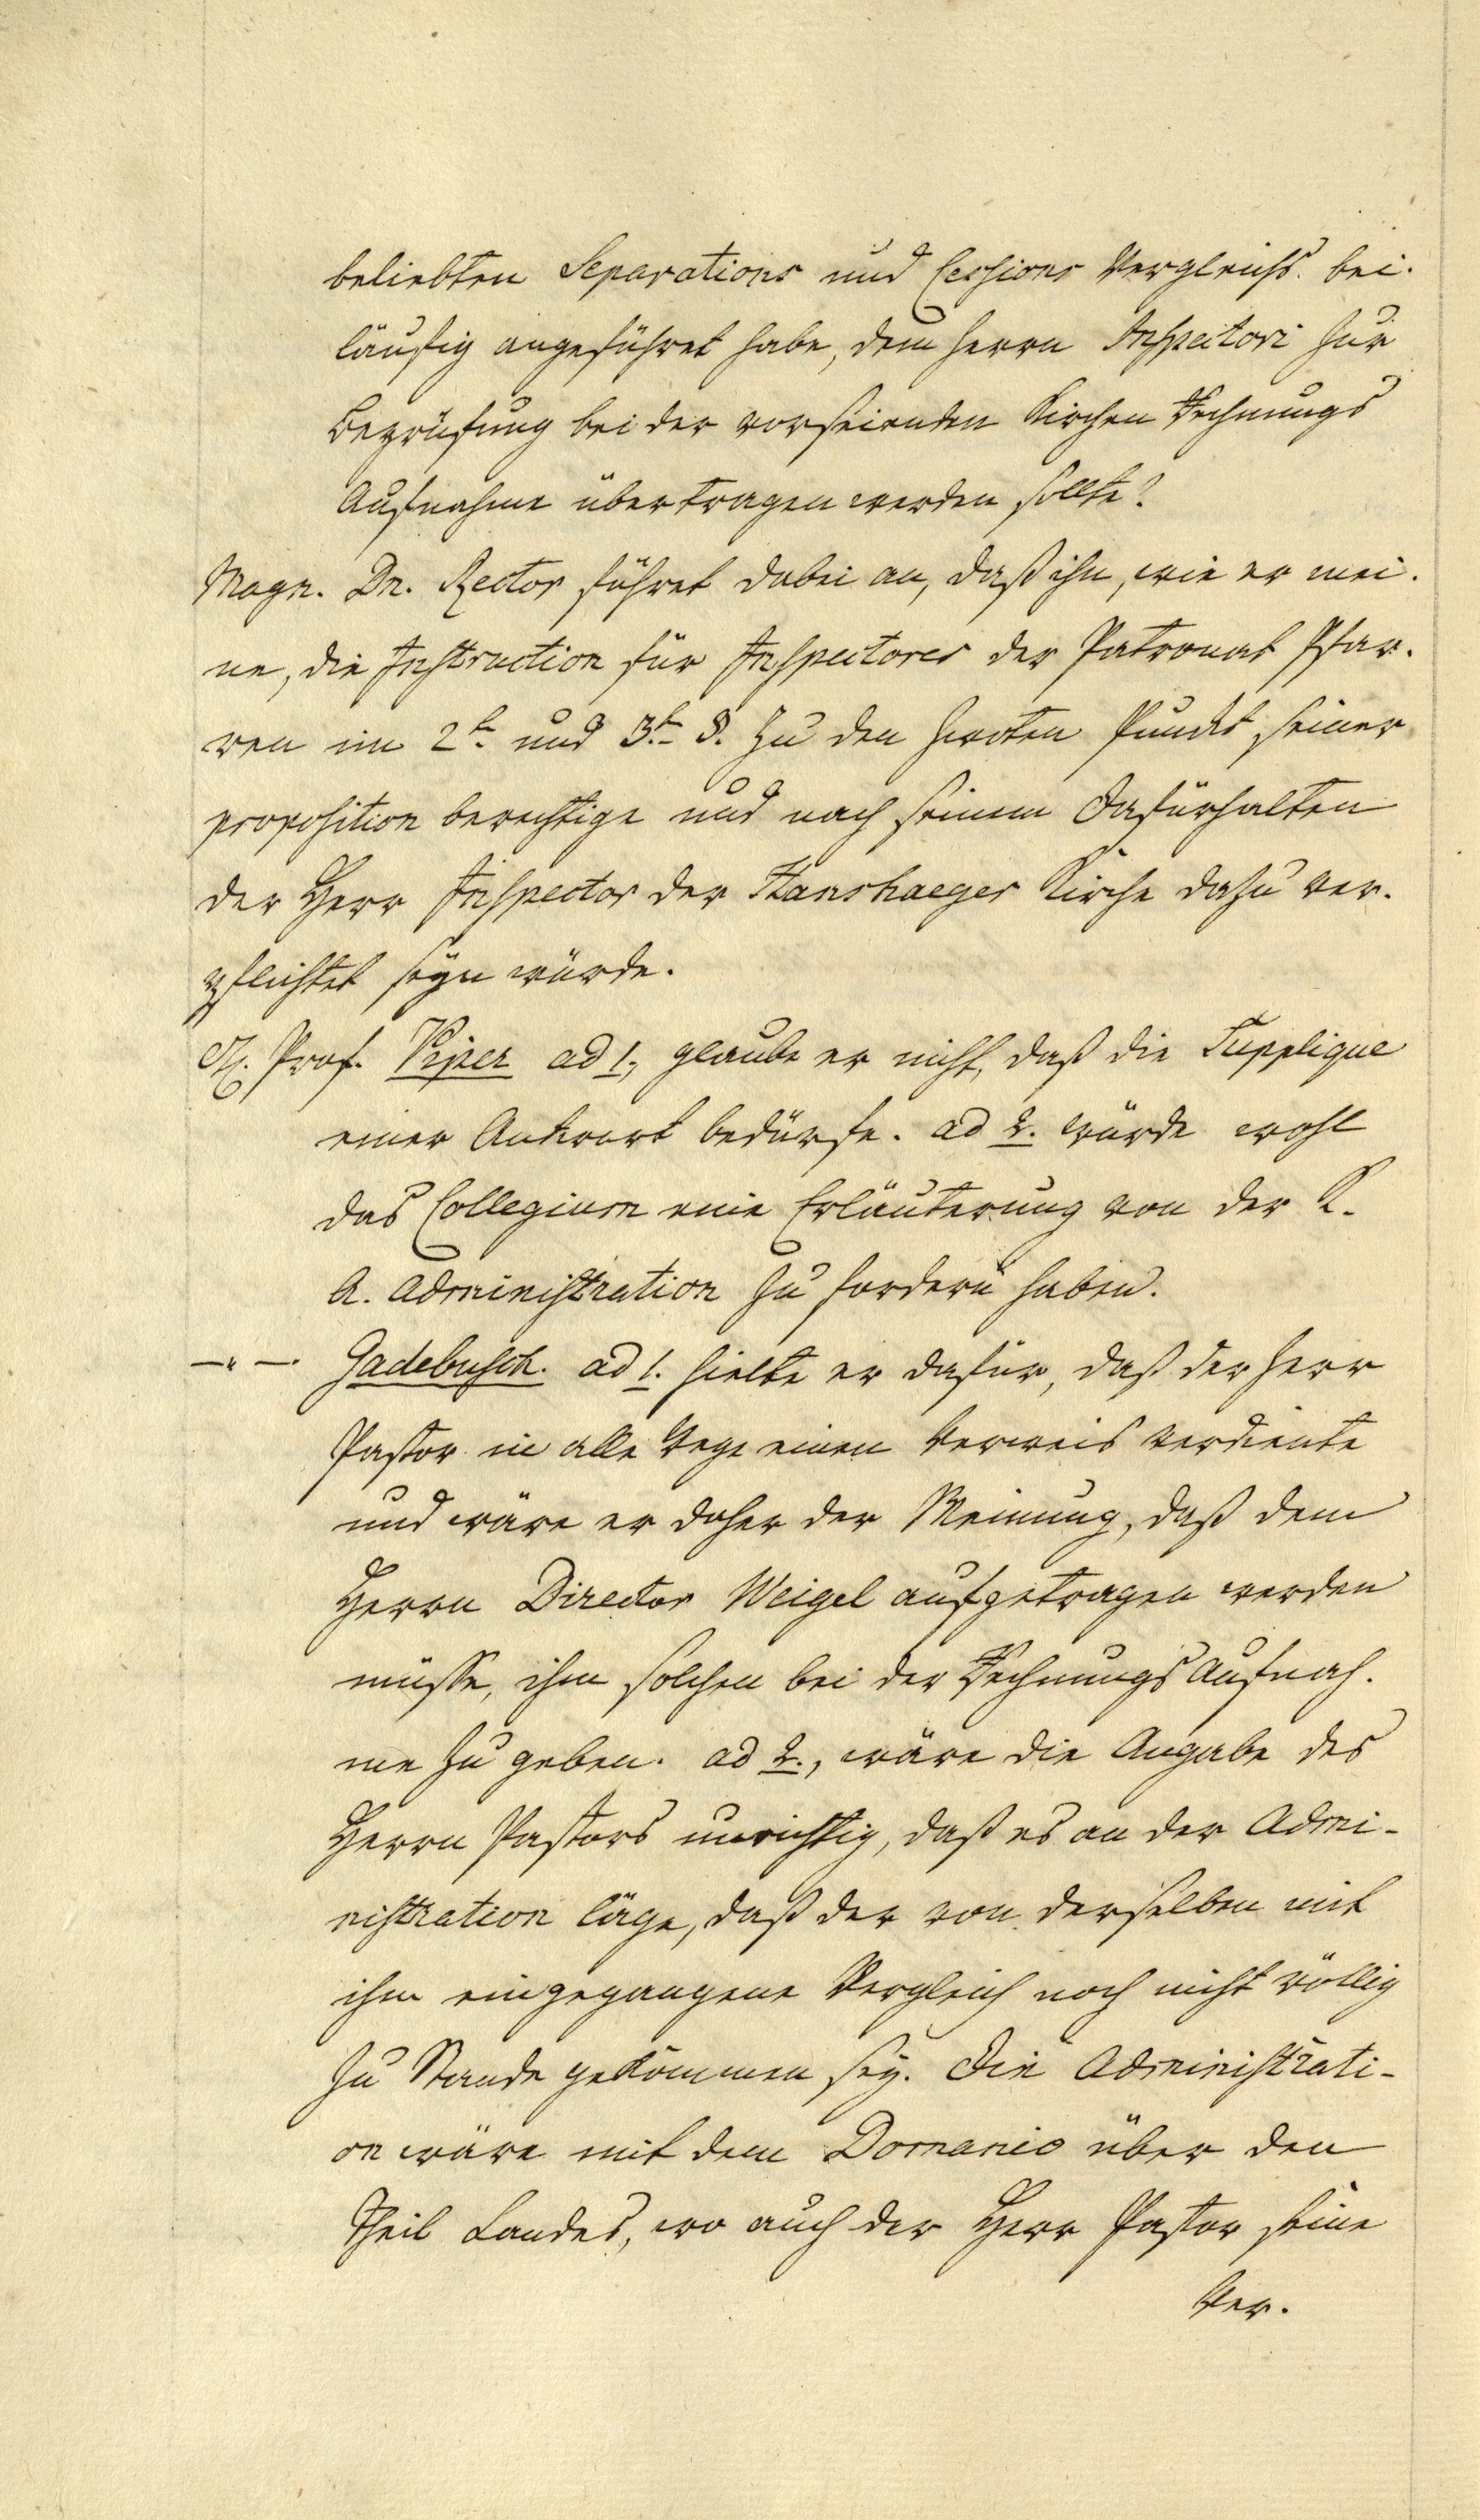beliebten Separations und Cessions Vergleichs bei-
läufig angeführet habe, dem herrn Inspectori zur
Berüfung bei der vorseienden Kirchen Rechnungs
Aufnahme übertragen werden sollte?
Magn. Dn. Rector führet dabei an, daß ihn, wie er mei-
ne, die Instruction für Inspectores der Patronat Pfar-
ren im 2ten und 3ten §. zu den zwoten Punkt seiner
proposition berechtige und nach seinem Dafürhalten
der Herr Inspector der Hanshaeger Kirche dazu ver-
pflichtet seyn würde.
dh. Prof. Piper ad 1., glaube er nicht, daß die Supplique
einer Antwort bedürfe. Ad 2. würde wohl
das Collegium eine Erläuterung von der K.
A. Administration zu fordern haben.
- " - " Gadebusch. ad 1. hielte er dafür, daß der Herr
Pastor in alle Wege seinen Verweis verdiente
und wäre er daher der Meinung, daß dem
Herrn Director Weigel aufgetragen werden
müsse, ihm solchen bei der Rechnungs Aufnah-
me zu geben. Ad 2., wäre die Angabe des
Herrn Pastors unrichtig, daß es an der Admi-
nistration läge, daß der von derselben mit
ihm eingegangene Vergleich noch nicht völlig
zu Stande gekommen sey. Die Administrati-
on wäre mit dem Domanio über den
Theil Landes, wo auch der Herr Pastor seine
Ver-